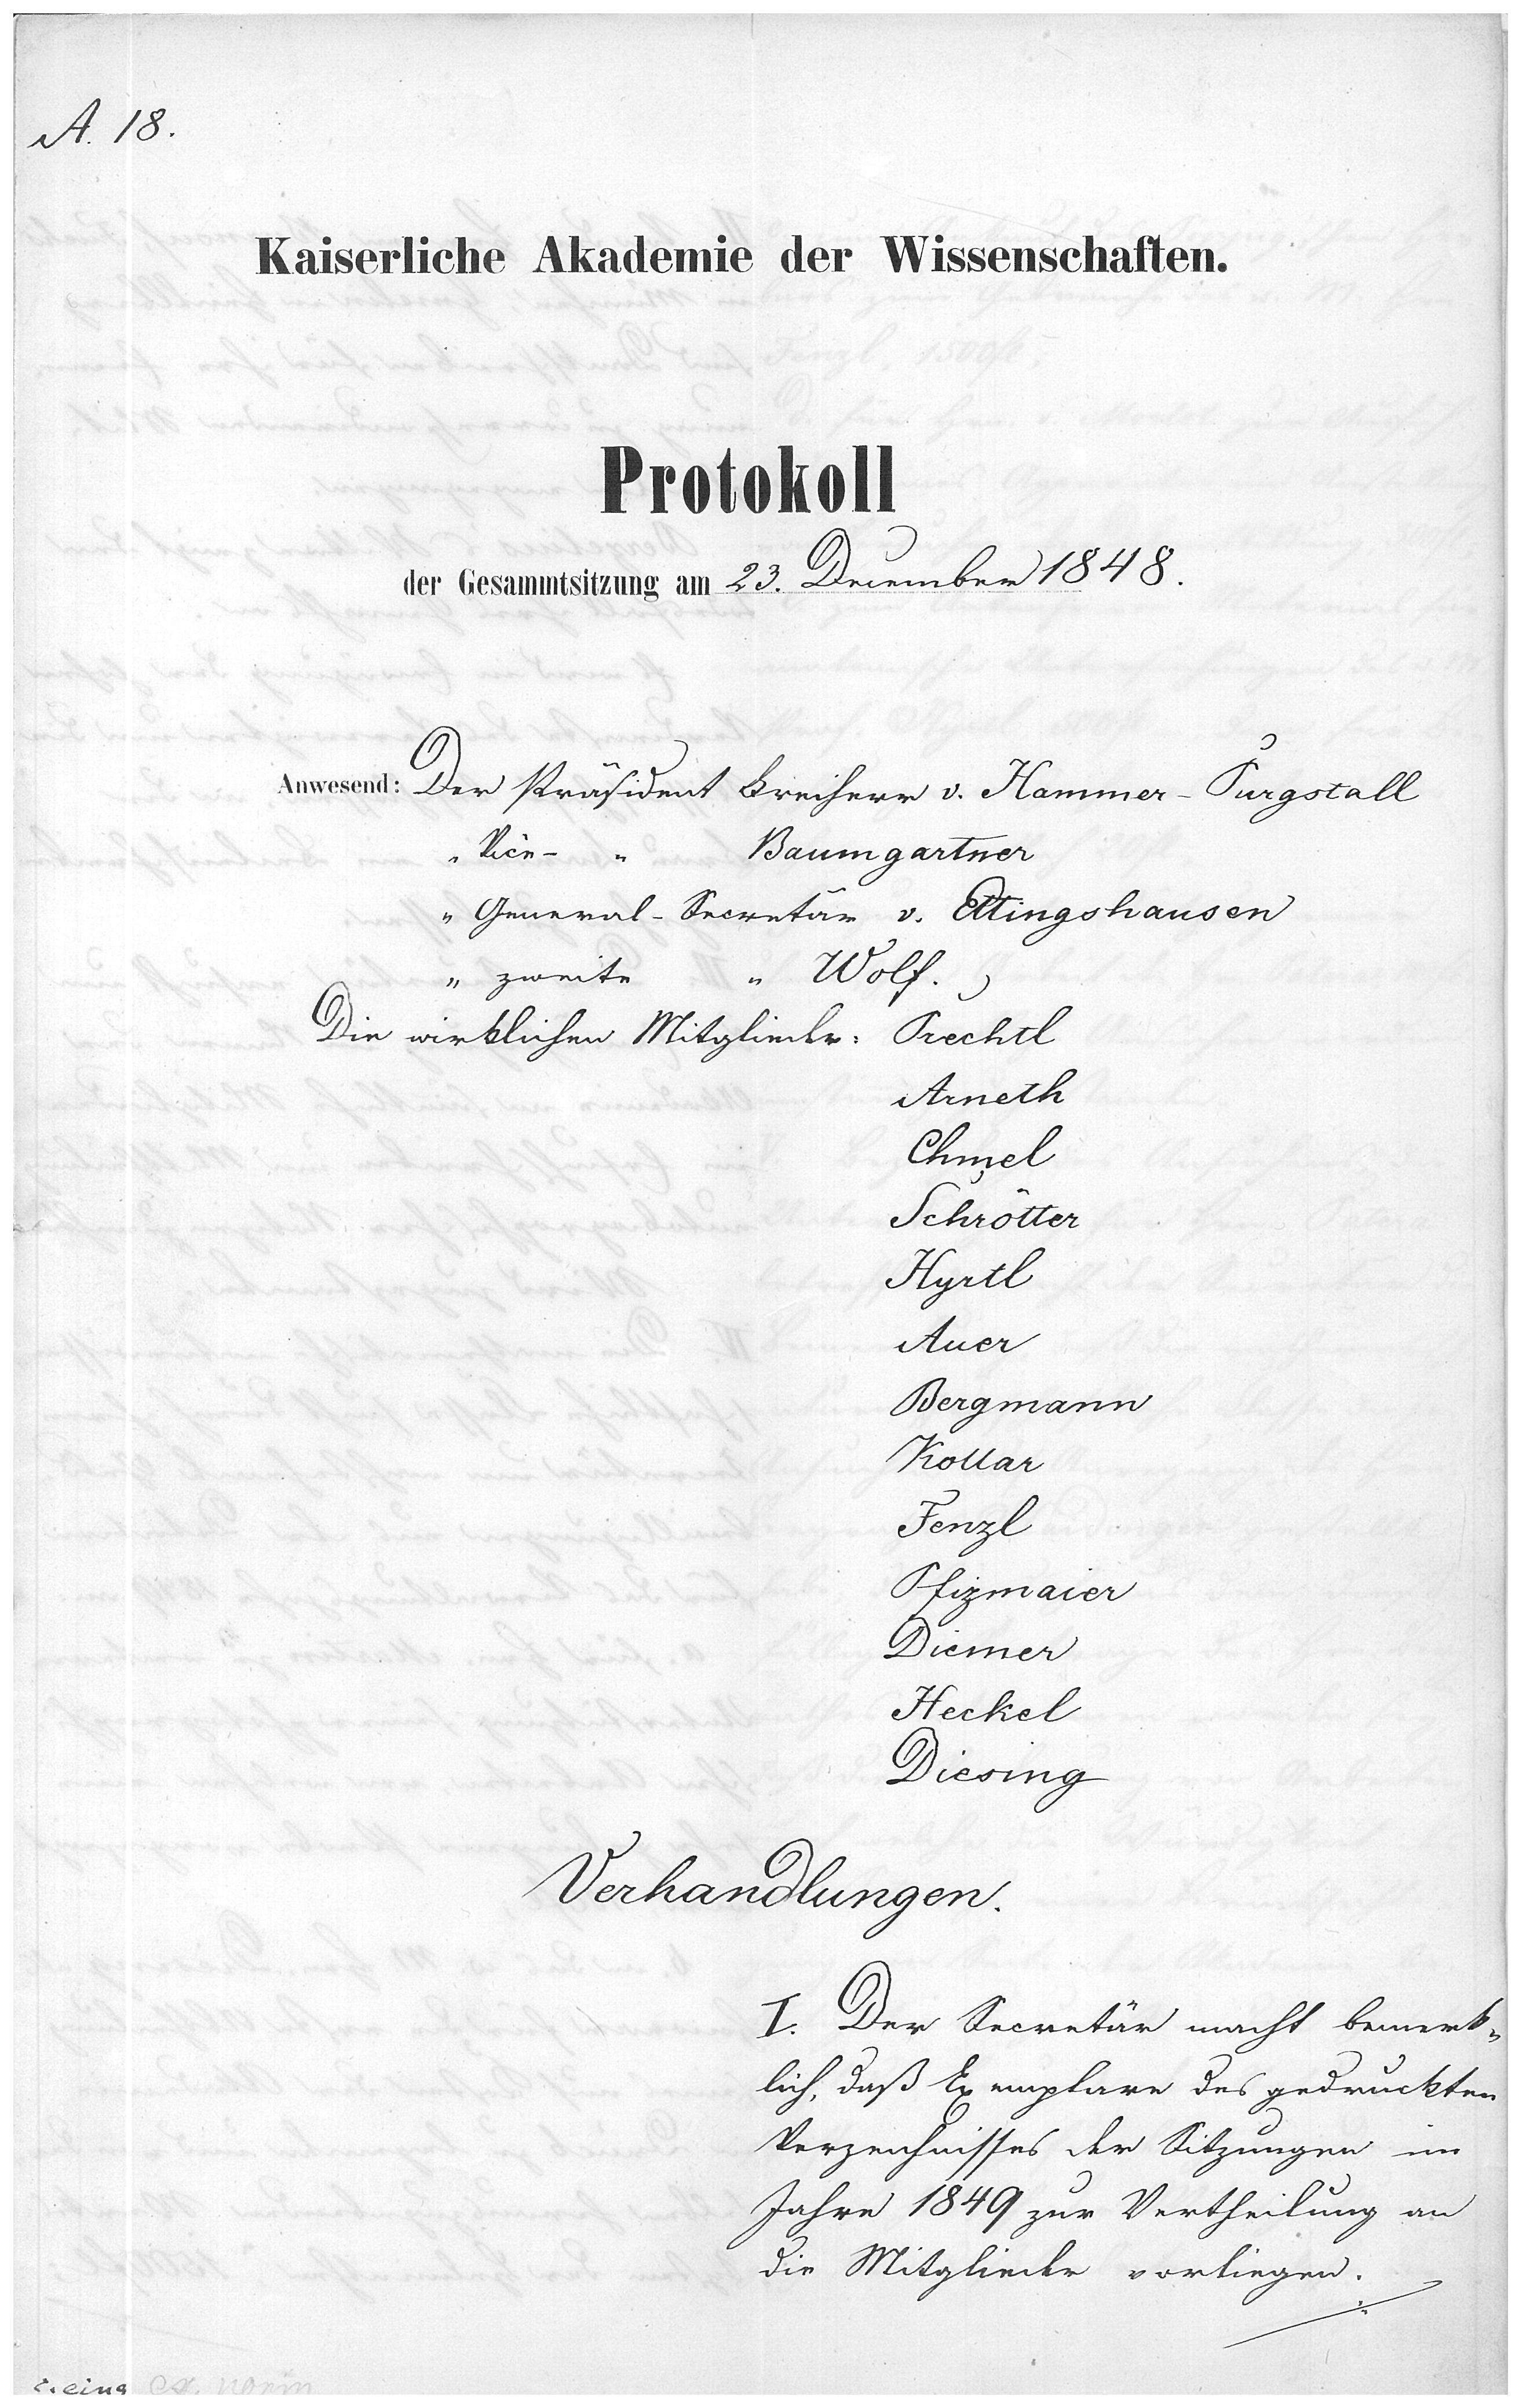A. 18.
Kaiserliche Akademie der Wissenschaften.
Protokoll
der Gesammtsitzung am 23. December 1848.
Anwesend: Der Präsident Freiherr v. Hammer-Purgstall
" Vice-" Baumgartner
"General- Secretär v. Ettingshausen
" zweite " Wolf.
Die wirklichen Mitglieder: Prechtl
Arneth
Chmel
Schrötter
Hyrtl
Auer
Bergmann
Kollar
Fenzl
Pfizmaier
Diemer
Heckel
Diesing
Verhandlungen.
I. Der Secretär macht bemerk-
lich, daß Exemplare des gedruckten
Verzeichnisses der Sitzungen im
Jahre 1849 zur Vertheilung an
die Mitglieder vorliegen.